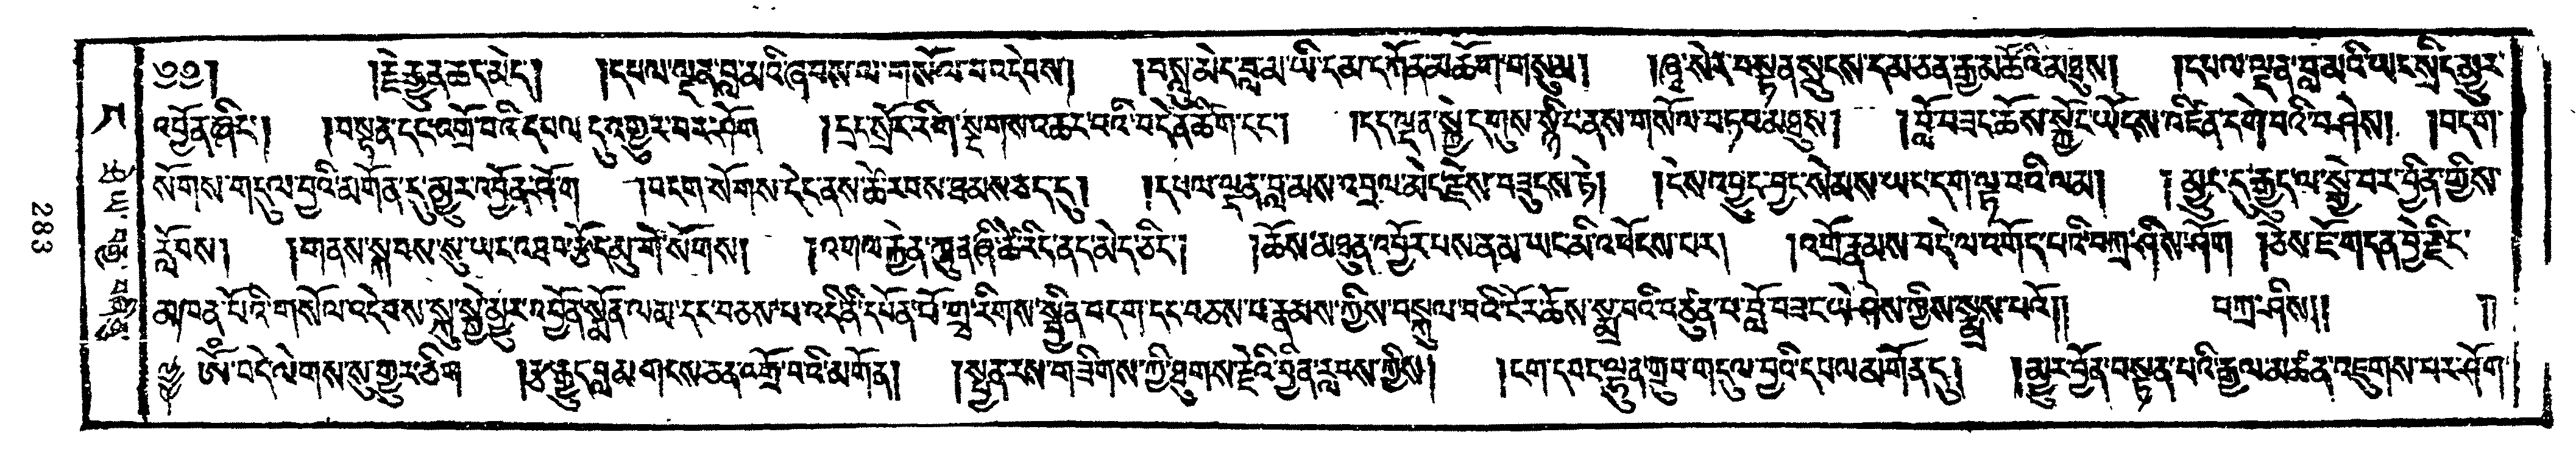༄༅། །རྗེ་རྒྱུན་ཆད་མེད། །དཔལ་ལྡན་བླ་མའི་ཞབས་ལ་གསོལ་བ་འདེབས། །བསླུ་མེད་བླ་མ་ཡི་དམ་དཀོན་མཆོག་གསུམ། །ཞྭ་སེར་བསྟན་སྲུངས་དམ་ཅན་རྒྱ་མཚོའི་མཐུས། །དཔལ་ལྡན་བླ་མའི་ཡང་སྲིད་མྱུར་
འབྱོན་ཞིང་། །བསྟན་དང་འགྲོ་བའི་དཔལ་དུ་འགྱུར་བར་ཤོག །དྲང་སྲོང་རིག་སྔགས་འཆང་བའི་བདེན་ཚིག་དང་། །དད་ལྡན་སྐྱེ་དགུས་སྙིང་ནས་གསོལ་བཏབ་མཐུས། །བློ་བཟང་ཆོས་སྐྱོང་ཡོངས་འཛིན་དགེ་བའི་བཤེས། །བདག་
སོགས་གདུལ་བྱའི་མགོན་དུ་མྱུར་འབྱོན་ཤོ་ག །བདག་སོགས་དེང་ནས་ཚེ་རབས་ཐམས་ཅད་དུ། །དཔལ་ལྡན་བླ་མས་འབྲལ་མེད་རྗེས་བཟུངས་ཏེ། །ངེས་འབྱུང་བྱང་སེམས་ཡང་དག་ལྟ་བའི་ལམ། །མྱུར་དུ་རྒྱུད་ལ་སྐྱེ་བར་བྱིན་གྱིས་
རློབས། །གནས་སྐབས་སུ་ཡང་འཐབ་རྩོད་མུ་གེ་སོགས། །འགལ་རྐྱེན་ཀུན་ཞི་ཚེ་རིང་ནད་མེད་ཅིང་། །ཆོས་མཐུན་འབྱོར་པས་ནམ་ཡང་མི་འཕོངས་པར། །འགྲོ་རྣམས་བདེ་ལ་འགོད་པའི་བཀྲ་ཤིས་ཤོག །ཅེས་ཇོ་གདན་བྱེ་རྫིང་
མཁན་པོའི་གསོལ་འདེབས་སྐུ་སྐྱེ་མྱུར་འབྱོན་སྨོན་ལམ་དང་བཅས་པ་འདི་ནི་དཔོན་པོ་གྲྭ་རིགས་སྦྱིན་བདག་དང་བཅས་པ་རྣམས་ཀྱིས་བསྐུལ་བའི་ངོར་ཆོས་སྨྲ་བའི་བཙུན་པ་བློ་བཟང་ཡེ་ཤེས་ཀྱིས་སྨྲས་པའོ།། བཀྲ་ཤིས།། །།
༈ ཨོཾ་བདེ་ལེགས་སུ་གྱུར་ཅིག །རྩ་རྒྱུད་བླ་མ་གངས་ཅན་འགྲོ་བའི་མགོན། །སྤྱན་རས་གཟིགས་ཀྱི་ཐུགས་རྗེའི་བྱིན་རླབས་ཀྱིས། །ངག་དབང་ལྷུན་གྲུབ་གདུལ་བྱའི་དཔལ་མགོན་དུ། །མྱུར་བྱོན་བསྟན་པའི་རྒྱལ་མཚན་འཇུགས་པར་ཤོག་